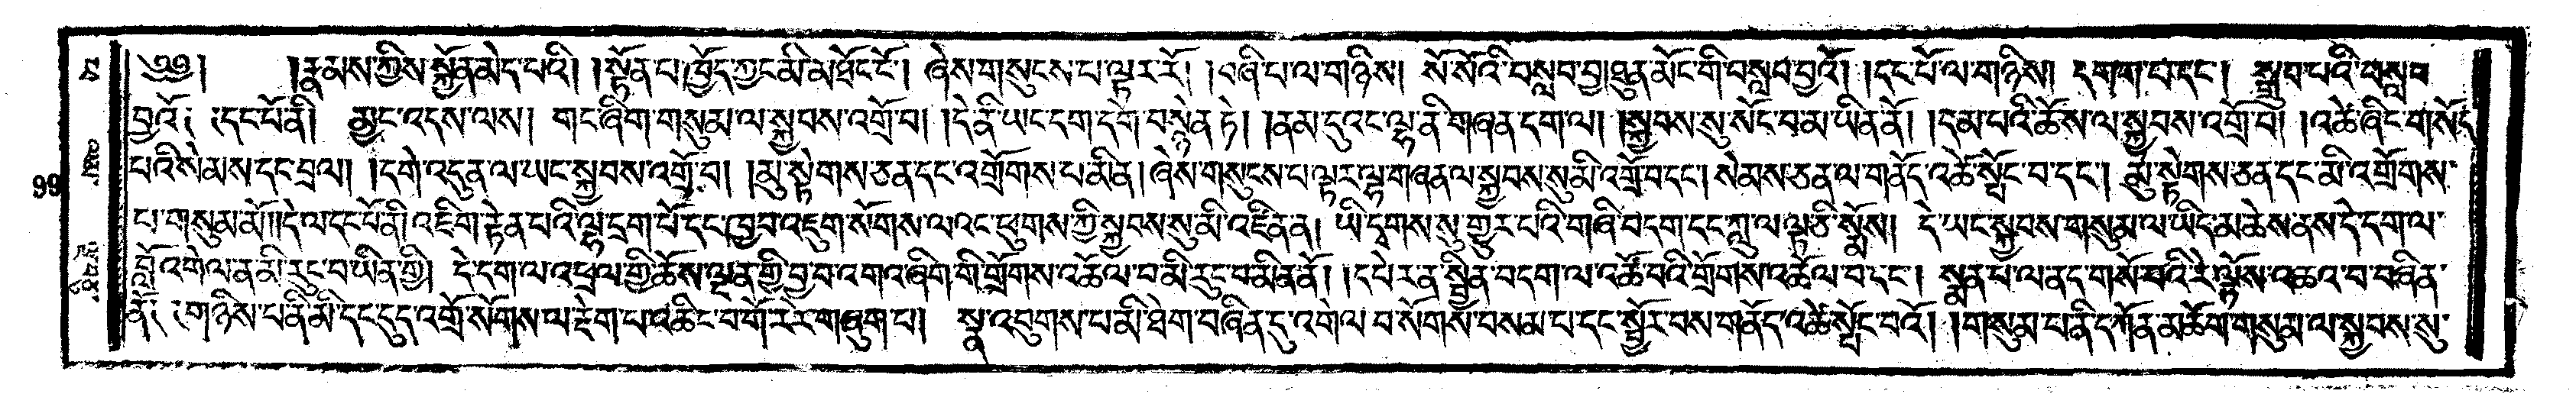༄༅། །རྣམས་ཀྱིས་སྐྱོན་མེད་པའི། །སྟོན་པ་ཁྱོད་ཀྱང་མི་མཐོང་ངོ། །ཞེས་གསུངས་པ་ལྟར་རོ། །བཞི་པ་ལ་གཉིས། སོ་སོའི་བསླབ་བྱ། ཐུན་མོང་གི་བསླབ་བྱའོ། །དང་པོ་ལ་གཉིས། དགག་པ་དང་།སྒྲུབ་པའི་བསླབ་
བྱའོ༑ ༑དང་པོ་ནི། མྱང་འདས་ལས། གང་ཞིག་གསུམ་ལ་སྐྱབས་འགྲོ་བ། །དེ་ནི་ཡང་དག་དགེ་བསྙེན་ཏེ། །ནམ་དུའང་ལྷ་ནི་གཞན་དག་ལ། །སྐྱབས་སུ་སོང་བ་མ་ཡིན་ནོ། །དམ་པའི་ཆོས་ལ་སྐྱབས་འགྲོ་པ། །འཚེ་ཞིང་གསོད་
པའི་སེམས་དང་བྲལ། །དགེ་འདུན་ལ་ཡང་སྐྱབས་འགྲོ་བ། །མུ་སྟེགས་ཅན་དང་འགྲོགས་པ་མིན། ཞེས་གསུངས་པ་ལྟར་ལྷ་གཞན་ལ་སྐྱབས་སུ་མི་འགྲོ་བ་དང་།སེམས་ཅན་ལ་གནོད་འཚེ་སྤོང་བ་དང་།མུ་སྟེགས་ཅན་དང་མི་འགྲོགས་
པ་གསུམ་མོ། །དེ་ལ་དང་པོ་ནི། འཇིག་རྟེན་པའི་ལྷ་དྲག་པོ་དང་ཁྱབ་འཇུག་སོགས་ལའང་ཕུགས་ཀྱི་སྐྱབས་སུ་མི་འཛིན་ན། ཡི་དྭགས་སུ་གྱུར་པའི་གཞི་བདག་དང་ཀླུ་ལ་ལྟ་ཅི་སྨོས། དེ་ཡང་སྐྱབས་གསུམ་ལ་ཡིད་མ་ཆེས་ནས་དེ་དག་ལ་
བློ་འགེལ་ན་མི་རུང་བ་ཡིན་གྱི། དེ་དག་ལ་འཕྲལ་གྱི་ཆོས་ལྡན་གྱི་བྱ་བ་འགའ་ཞིག་གི་གྲོགས་འཆོལ་བ་མི་རུང་བ་མིན་ནོ། །དཔེར་ན་སྦྱིན་བདག་ལ་འཚོ་བའི་གྲོགས་འཆོལ་བ་དང་།སྨན་པ་ལ་ནད་གསོལ་བའི་རེ་ལྟོས་འཆའ་བ་བཞིན་
ནོ༑ ༑གཉིས་པ་ནི་མི་དང་དུད་འགྲོ་སོགས་ལ་རྡེག་པ་འཆིང་བ་གོ་རེར་གཞུག་པ། སྣ་འབུགས་པ་མི་ཐེག་བཞིན་དུ་འགེལ་བ་སོགས་བསམ་པ་དང་སྦྱོར་བས་གནོད་འཚེ་སྤོང་པའོ། །གསུམ་པ་ནི་དཀོན་མཆོག་གསུམ་ལ་སྐྱབས་སུ་